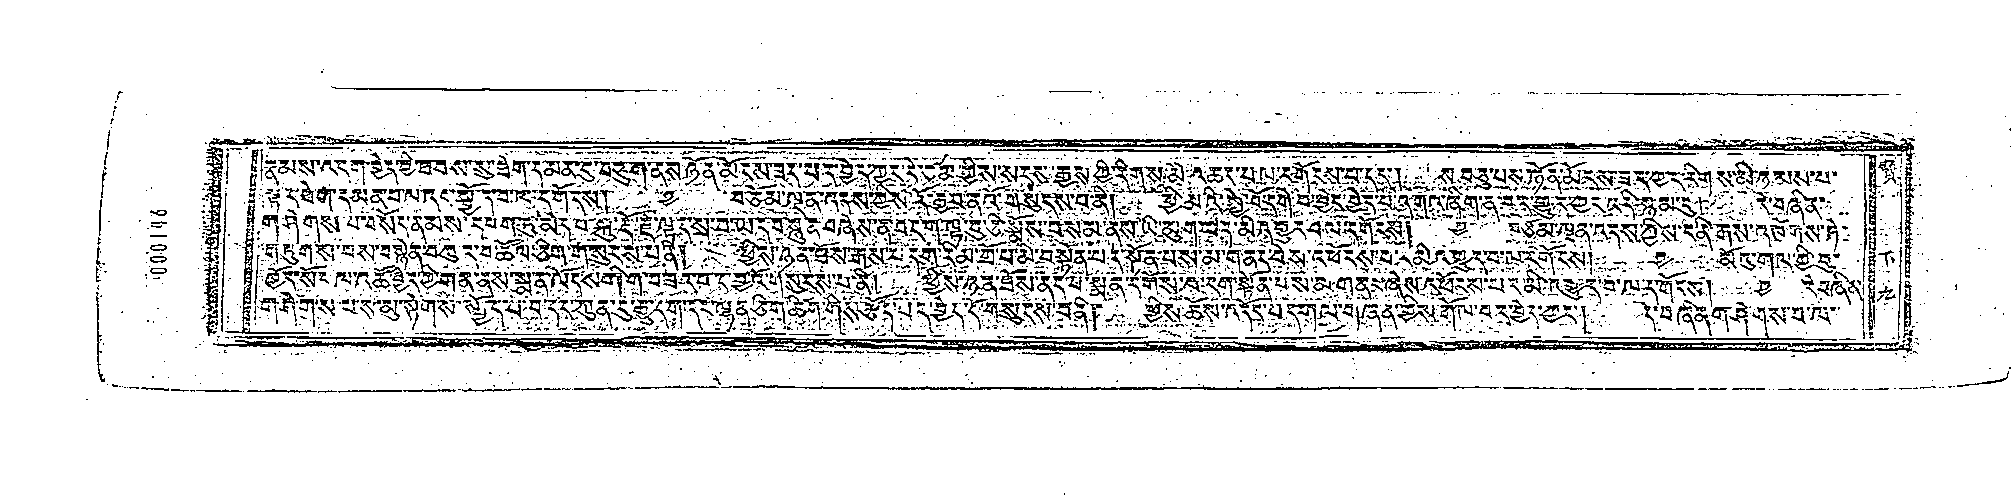རྣམས་འདག་བྱེད་ཀྱི་ཐབས་སུ་ཐེག་དམན་དུ་བཅུག་ནས་ཉོན་མོངས་ཟད་པར་བྱེད་ཀྱང་དེ་ཙམ་གྱིས་སངས་རྒྱས་ཀྱི་རིགས་མི་འཆད་པ་ལ་དགོངས་པ་དང་། ས་བཅུ་པས་ཉོན་མོངས་ཟད་ཀྱང་རིགས་མི་ཉམས་པ་
ལྟར་ཐེག་དམན་པ་ལའང་སྦྱོད་བ་ལ་དགོངས། ༧་བཅོམ་ལྡན་འདས་ཀྱིས་རོ་རྒྱབ་ནའོ་གསུངས་པ་ནི། ཕྱི་མའི་སྐྱེ་བོ་དགེ་བ་བྱེད་བྱེད་པ་འགའ་ཞིག་ན་བར་གྱུར་ཀྱང་འདི་སྙམ་དུ། དེ་བཞིན་
གཤེགས་པ་བསོད་ནམས་དཔག་ཏུ་མེད་པ་སྐུ་རྡོ་རྗེ་ལྟར་སྲ་བ་ཡང་བསྙུན་བཞེས་ན་བདག་ལྟ་བུ་ཅི་སྨོས་བསམ་ནས་ཡི་མུག་པར་མི་འགྱུར་བ་ལ་དགོངས། ༧་བཅོམ་ལྡན་འདས་ཀྱིས་ང་ནི་རྒས་འཁོགས་ཏེ་
གཏུགས་པས་བསྙེན་བཀུར་བ་ཚོལ་ཅིག་གསུངས་པ་ནི། ཕྱིས་ཉན་ཐོས་རྒས་པ་དག་རིམ་གྲོ་པ་མི་བསྟེན་པར་སྟོན་པས་མ་གནང་བས་འཕོངས་པར་མི་འགྱུར་བ་ལ་དགོངས། ༧་མོའུ་གལ་གྱི་བུ་
ཁྱོད་སོང་ལ་འཚོ་བྱེད་ཀྱི་གན་ནས་སྨན་ལོངས་གི་ག་བཟའ་བར་བྱའོ་གསུངས་པ་ནི། ཕྱིས་ཉན་ཐོས་ནད་པ་སྨན་དགོས་པ་དག་སྟོན་པས་མ་གནང་ཞེས་འཕོངས་པར་མི་འགྱུར་བ་ལ་དགོངས། ༧་དེ་བཞིན་
གཤེགས་པས་མུ་སྟེགས་སྤྱོད་པ་བ་དང་ཀུན་དུ་རྒྱུ་དག་དང་ལྷན་ཅིག་ཚིག་གིས་རྩོད་པར་བྱེད་དོ་གསུངས་བ་ནི། ཕྱིས་ཆོས་འདོད་པ་དག་ལ་གཞན་གྱིས་གོལ་བར་བྱེད་ཀྱང་། དེ་བཞིན་གཤེགས་པ་ལ་